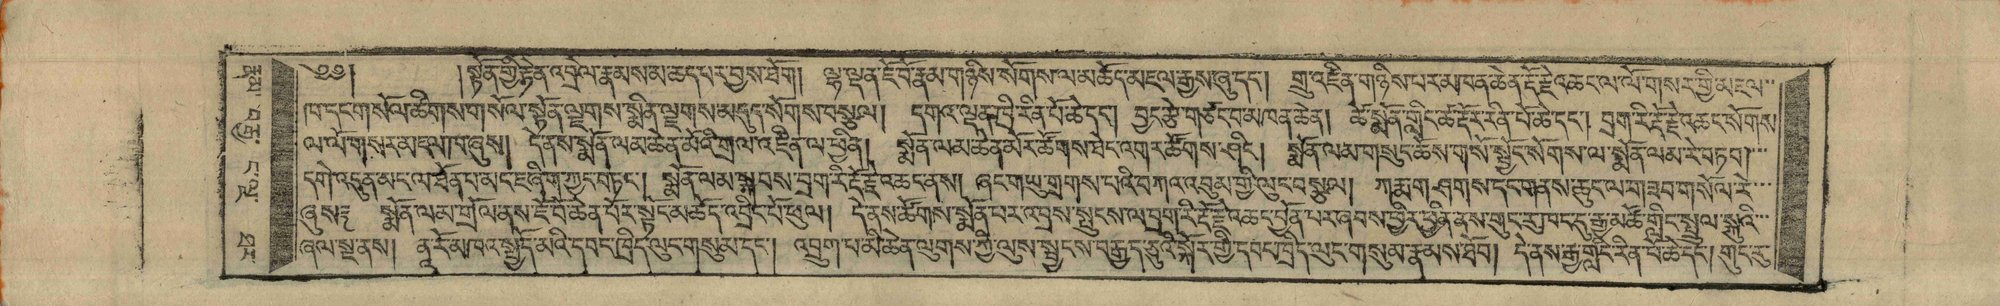༄༅། །སྟོན་གྱི་རྟེན་འབྲེལ་རྣམས་མ་ཆད་པར་བྱས་ཐོག །ལྷ་ལྡན་ཇོ་བོ་རྣམ་གཉིས་སོགས་ལ་མཆོད་མཇལ་རྒྱས་ཞུ་དང་། གྲུ་འཛིན་གཉིས་པར་མཁན་ཆེན་རྡོ་རྗེ་འཆང་ལ་ལོ་གསར་གྱི་མཇལ་
ཁ་དང་གསོལ་ཚིགས་གསོལ་སྟོན་ལྗགས་སྨིན་ལྗགས་མདུད་སོགས་བསྩལ། དགའ་ལྡན་ཁྲི་རིན་པོ་ཆེ་དང་། བྱང་རྩེ་གཙང་པ་མཁན་ཆེན། ཚེ་སྨོན་གླིང་ཚ་རྡོར་རིན་པོ་ཆེ་དང་། བྲག་རི་རྡོ་རྗེ་འཆང་སོགས་
ལ་ལོ་གསར་མཇལ་ཁ་ཞུས། དེ་ནས་སྨོན་ལམ་ཆེན་མོའི་གྲལ་འཛིན་ལ་ཕྱིན། སྨོན་ལམ་ཆེན་མོར་ཚོགས་ཐེང་འགར་ཚོགས་ཤིང་། སྨོན་ལམ་གསུང་ཆོས་གསོ་སྦྱོང་སོགས་ལ་སྨོན་ལམ་རེ་བཏབ།
དགེ་འདུན་མང་ལ་ཐོན་པ་མང་ཇ་ཞིག་ཀྱང་བཏང་། སྨོན་ལམ་སྐབས་བྲག་རི་རྡོ་རྗེ་འཆང་ནས། ཞང་གཡུ་གྲགས་པའི་བཀའ་འབུམ་གྱི་ལུང་བསྩལ། ཀརྨ་གཤགས་དང་གནས་ཆུང་ལ་གཟབ་གསོལ་རེ་
ཞུས༑ སྨོན་ལམ་གྲོལ་ནས་ཇོ་བོ་ཆེན་པོར་སྟོང་མཆོད་འབྲིང་པོ་ཕུལ། དེ་ནས་ཚོགས་སྨོན་པར་འབྲས་སྤུངས་ལ་བྲག་རི་རྡོ་རྗེ་འཆང་བྱོན་པར་ཞབས་ཕྱིར་ཕྱིན་ནས་གུང་རུ་ཁང་དུ་རྒྱ་མཚོ་གླིང་སྤྲུལ་སྐུའི་
ཞལ་སྔ་ནས། ནཱ་རོ་མཁའ་སྤྱོད་མའི་དབང་ཁྲིད་ལུང་གསུམ་དང་། འབྲུག་པ་མི་ཆེན་ལུགས་ཀྱི་ལུས་སྦྱངས་བརྒྱད་ཅུའི་སྐོར་གྱི་དབང་ཁྲིད་ལུང་གསུམ་རྣམས་ཐོག། དེ་ནས་རྒྱ་གླིང་རིན་པོ་ཆེ་དང་། གུང་རུ་